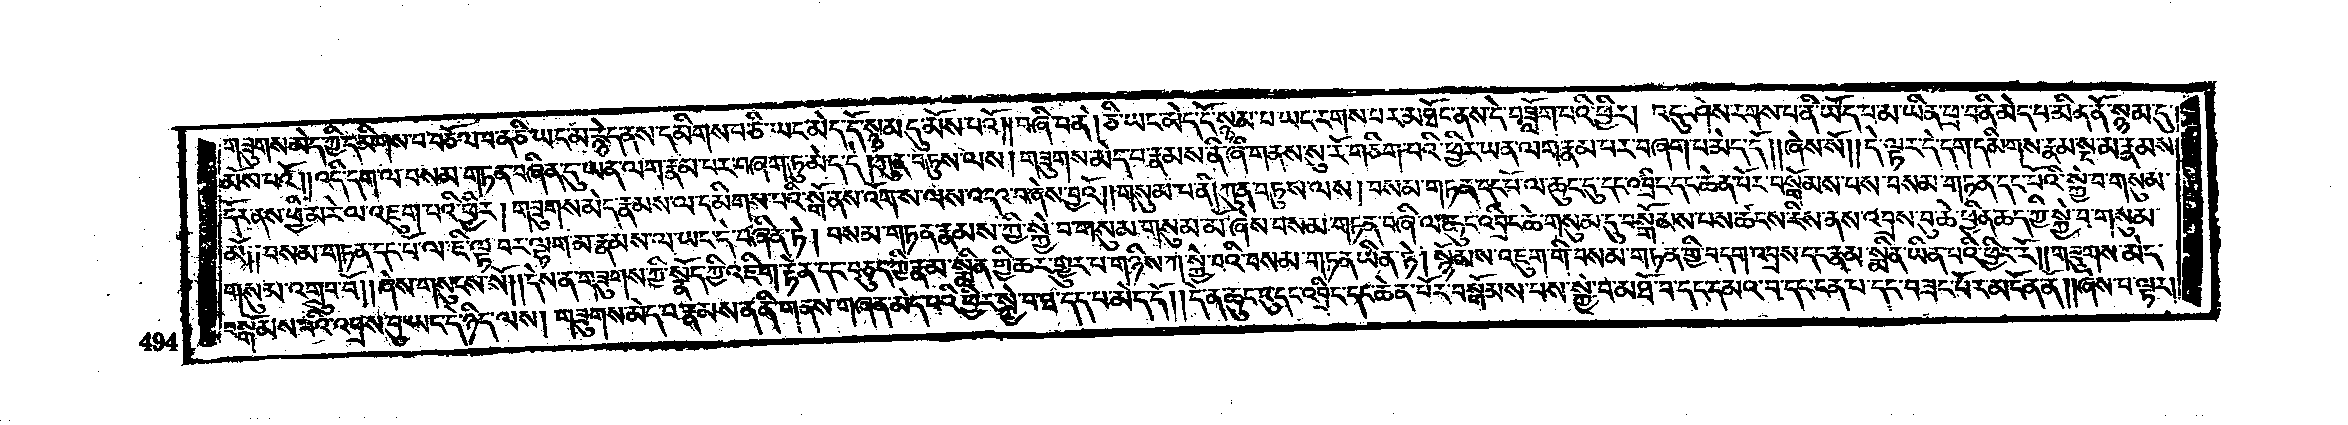གཟུགས་མེད་ཀྱི་དམིགས་པ་བཙལ་བ་ན་ཅི་ཡང་མ་རྙེད་ནས་དམིགས་པ་ཅི་ཡང་མེད་དོ་སྙམ་དུ་མོས་པའོ། །བཞི་པ་ནི། ཅི་ཡང་མེད་དོ་སྙམ་པ་ཡང་རགས་པར་མཐོང་ནས་དེ་བཟློག་པའི་ཕྱིར། འདུ་ཤེས་རགས་པ་ནི་ཡོད་པ་མ་ཡིན་ཕྲ་བ་ནི་མེད་པ་མིན་ནོ་སྙམ་དུ་
མོས་པའོ། །འདི་དག་ལ་བསམ་གཏན་བཞིན་དུ་ཡན་ལག་རྣམ་པར་བཞག་ཏུ་མེད་དེ། ཀུན་བཏུས་ལས། གཟུགས་མེད་པ་རྣམས་ནི་ཞི་གནས་སུ་རོ་གཅིག་པའི་ཕྱིར་ཡན་ལག་རྣམ་པར་བཞག་པ་མེད་དོ། །ཞེས་སོ། །དེ་ལྟར་དེ་དག་དམིགས་རྣམ་སྔ་མ་རྣམས་
དོར་ནས་ཕྱི་མ་རེ་ལ་འཇུག་པའི་ཕྱིར། གཟུགས་མེད་རྣམས་ལ་དམིགས་པའི་སྒོ་ནས་འོག་ས་ལས་འདའ་བ་ཞེས་བྱའོ། །གསུམ་པ་ནི། ཀུན་བཏུས་ལས། བསམ་གཏན་དང་པོ་ལ་ཆུང་ངུ་དང་འབྲིང་དང་ཆེན་པོར་བསྒོམས་པས་བསམ་གཏན་དང་པོའི་སྐྱེ་བ་གསུམ་
མོ། །བསམ་གཏན་དང་པོ་ལ་ཇི་ལྟ་བར་ལྷག་མ་རྣམས་ལ་ཡང་དེ་བཞིན་ཏེ། བསམ་གཏན་རྣམས་ཀྱི་སྐྱེ་བ་གསུམ་གསུམ་མོ་ཞེས་བསམ་གཏན་བཞི་ལ་ཆུང་འབྲིང་ཆེ་གསུམ་དུ་བསྒོམས་པས་ཚངས་རིས་ནས་འབྲས་བུ་ཆེ་ཕྱིན་ཆད་ཀྱི་སྐྱེ་བ་གསུམ་
གསུམ་འགྲུབ་བོ། །ཞེས་གསུངས་སོ། །དེས་ན་གཟུགས་ཀྱི་སྣོད་ཀྱི་འཇིག་རྟེན་དང་བཅུད་ཀྱི་རྣམ་སྨིན་གྱི་ཆར་གྱུར་པ་གཉིས་ཀ་སྐྱེ་བའི་བསམ་གཏན་ཡིན་ཏེ། སྙོམས་འཇུག་གི་བསམ་གཏན་གྱི་བདག་འབྲས་དང་རྣམ་སྨིན་ཡིན་པའི་ཕྱིར་རོ། །གཟུགས་མེད་
བསྒོམས་པའི་འབྲས་བུ་ཡང་དེ་ཉིད་ལས། གཟུགས་མེད་པ་རྣམས་ན་ནི་གནས་གཞན་མེད་པའི་ཕྱིར་སྐྱེ་བ་ཐ་དད་པ་མེད་དོ། །དེ་ན་ཆུང་ངུ་དང་འབྲིང་དང་ཆེན་པོར་བསྒོམས་པས་སྐྱེ་བ་མཐོ་བ་དང་དམའ་བ་དང་ངན་པ་དང་བཟང་པོར་མངོན་ནོ། །ཞེས་པ་ལྟར།